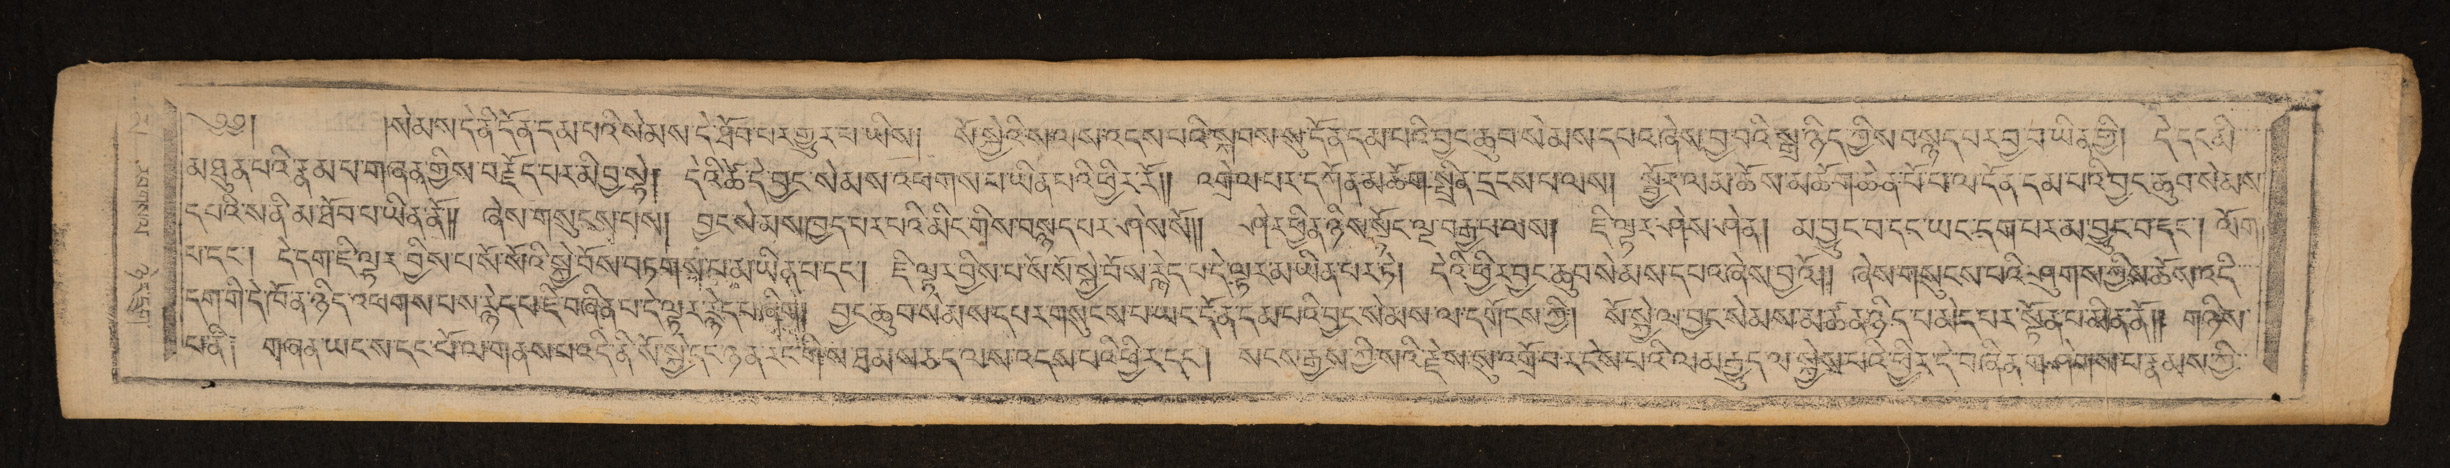༄༅། །སེམས་དེ་ནི་དོན་དམ་པའི་སེམས་དེ་ཐོབ་པར་གྱུར་པ་ཡིས། སོ་སྐྱེའི་ས་ལས་འདས་པའི་སྐབས་སུ་དོན་དམ་པའི་བྱང་ཆུབ་སེམས་དཔའ་ཞེས་བྱ་བའི་སྒྲ་ཉིད་ཀྱིས་བསྙད་པར་བྱ་བ་ཡིན་གྱི། དེ་དང་མི་
མཐུན་པའི་རྣམ་པ་གཞན་གྱིས་བརྗོད་པར་མི་བྱ་སྟེ། དེའི་ཚེ་དེ་བྱང་སེམས་འཕགས་པ་ཡིན་པའི་ཕྱིར་རོ།། འགྲེལ་པར་དཀོན་མཆོག་སྤྲིན་དྲངས་པ་ལས། སྦྱོར་ལམ་ཆོས་མཆོག་ཆེན་པོ་པ་ལ་དོན་དམ་པའི་བྱང་ཆུབ་སེམས་
དཔའི་ས་ནི་མ་ཐོབ་པ་ཡིན་ནོ།། ཞེས་གསུངས་པས། བྱང་སེམས་ཁྱད་པར་བའི་མིང་གིས་བསྙད་པར་ཤེས་སོ།། ཤེར་ཕྱིན་ཉིས་སྟོང་ལྔ་བརྒྱ་པ་ལས། ཇི་ལྟར་ཤེས་ཤེ་ན། མ་བྱུང་བ་དང་ཡང་དག་པར་མ་བྱུང་བ་དང་། ལོག་
པ་དང་། དེ་དག་ཇི་ལྟར་བྱིས་པ་སོ་སོའི་སྐྱེ་བོས་བཏགས་པ་མ་ཡིན་པ་དང་། ཇི་ལྟར་བྱིས་པ་སོ་སོ་སྐྱེ་བོས་རྙེད་པ་དེ་ལྟར་མ་ཡིན་པར་ཏེ། དེའི་ཕྱིར་བྱང་ཆུབ་སེམས་དཔའ་ཞེས་བྱའོ།། ཞེས་གསུངས་པའི་ཤུགས་ཀྱིས་ཆོས་འདི་
དག་གི་དེ་ཁོ་ན་ཉིད་འཕགས་པས་རྙེད་པ་ཇི་བཞིན་པ་དེ་ལྟར་རྙེད་པ་ཞིག། བྱང་ཆུབ་སེམས་དཔར་གསུངས་པ་ཡང་དོན་དམ་པའི་བྱང་སེམས་ལ་དགོངས་ཀྱི། སོ་སྐྱེ་ལ་བྱང་སེམས་མཚན་ཉིད་པ་མེད་པར་སྟོན་པ་མིན་ནོ།། གཉིས་
པ་ནི། གཞན་ཡང་ས་དང་པོ་ལ་གནས་པ་འདི་ནི་སོ་སྐྱེ་དང་ཉན་རང་གི་ས་ཐམས་ཅད་ལས་འདས་པའི་ཕྱིར་དང་། སངས་རྒྱས་ཀྱི་སའི་རྗེས་སུ་འགྲོ་བར་ངེས་པའི་ལམ་རྒྱུད་ལ་སྐྱེས་པའི་ཕྱིར་དེ་བཞིན་གཤེགས་པ་རྣམས་ཀྱི་